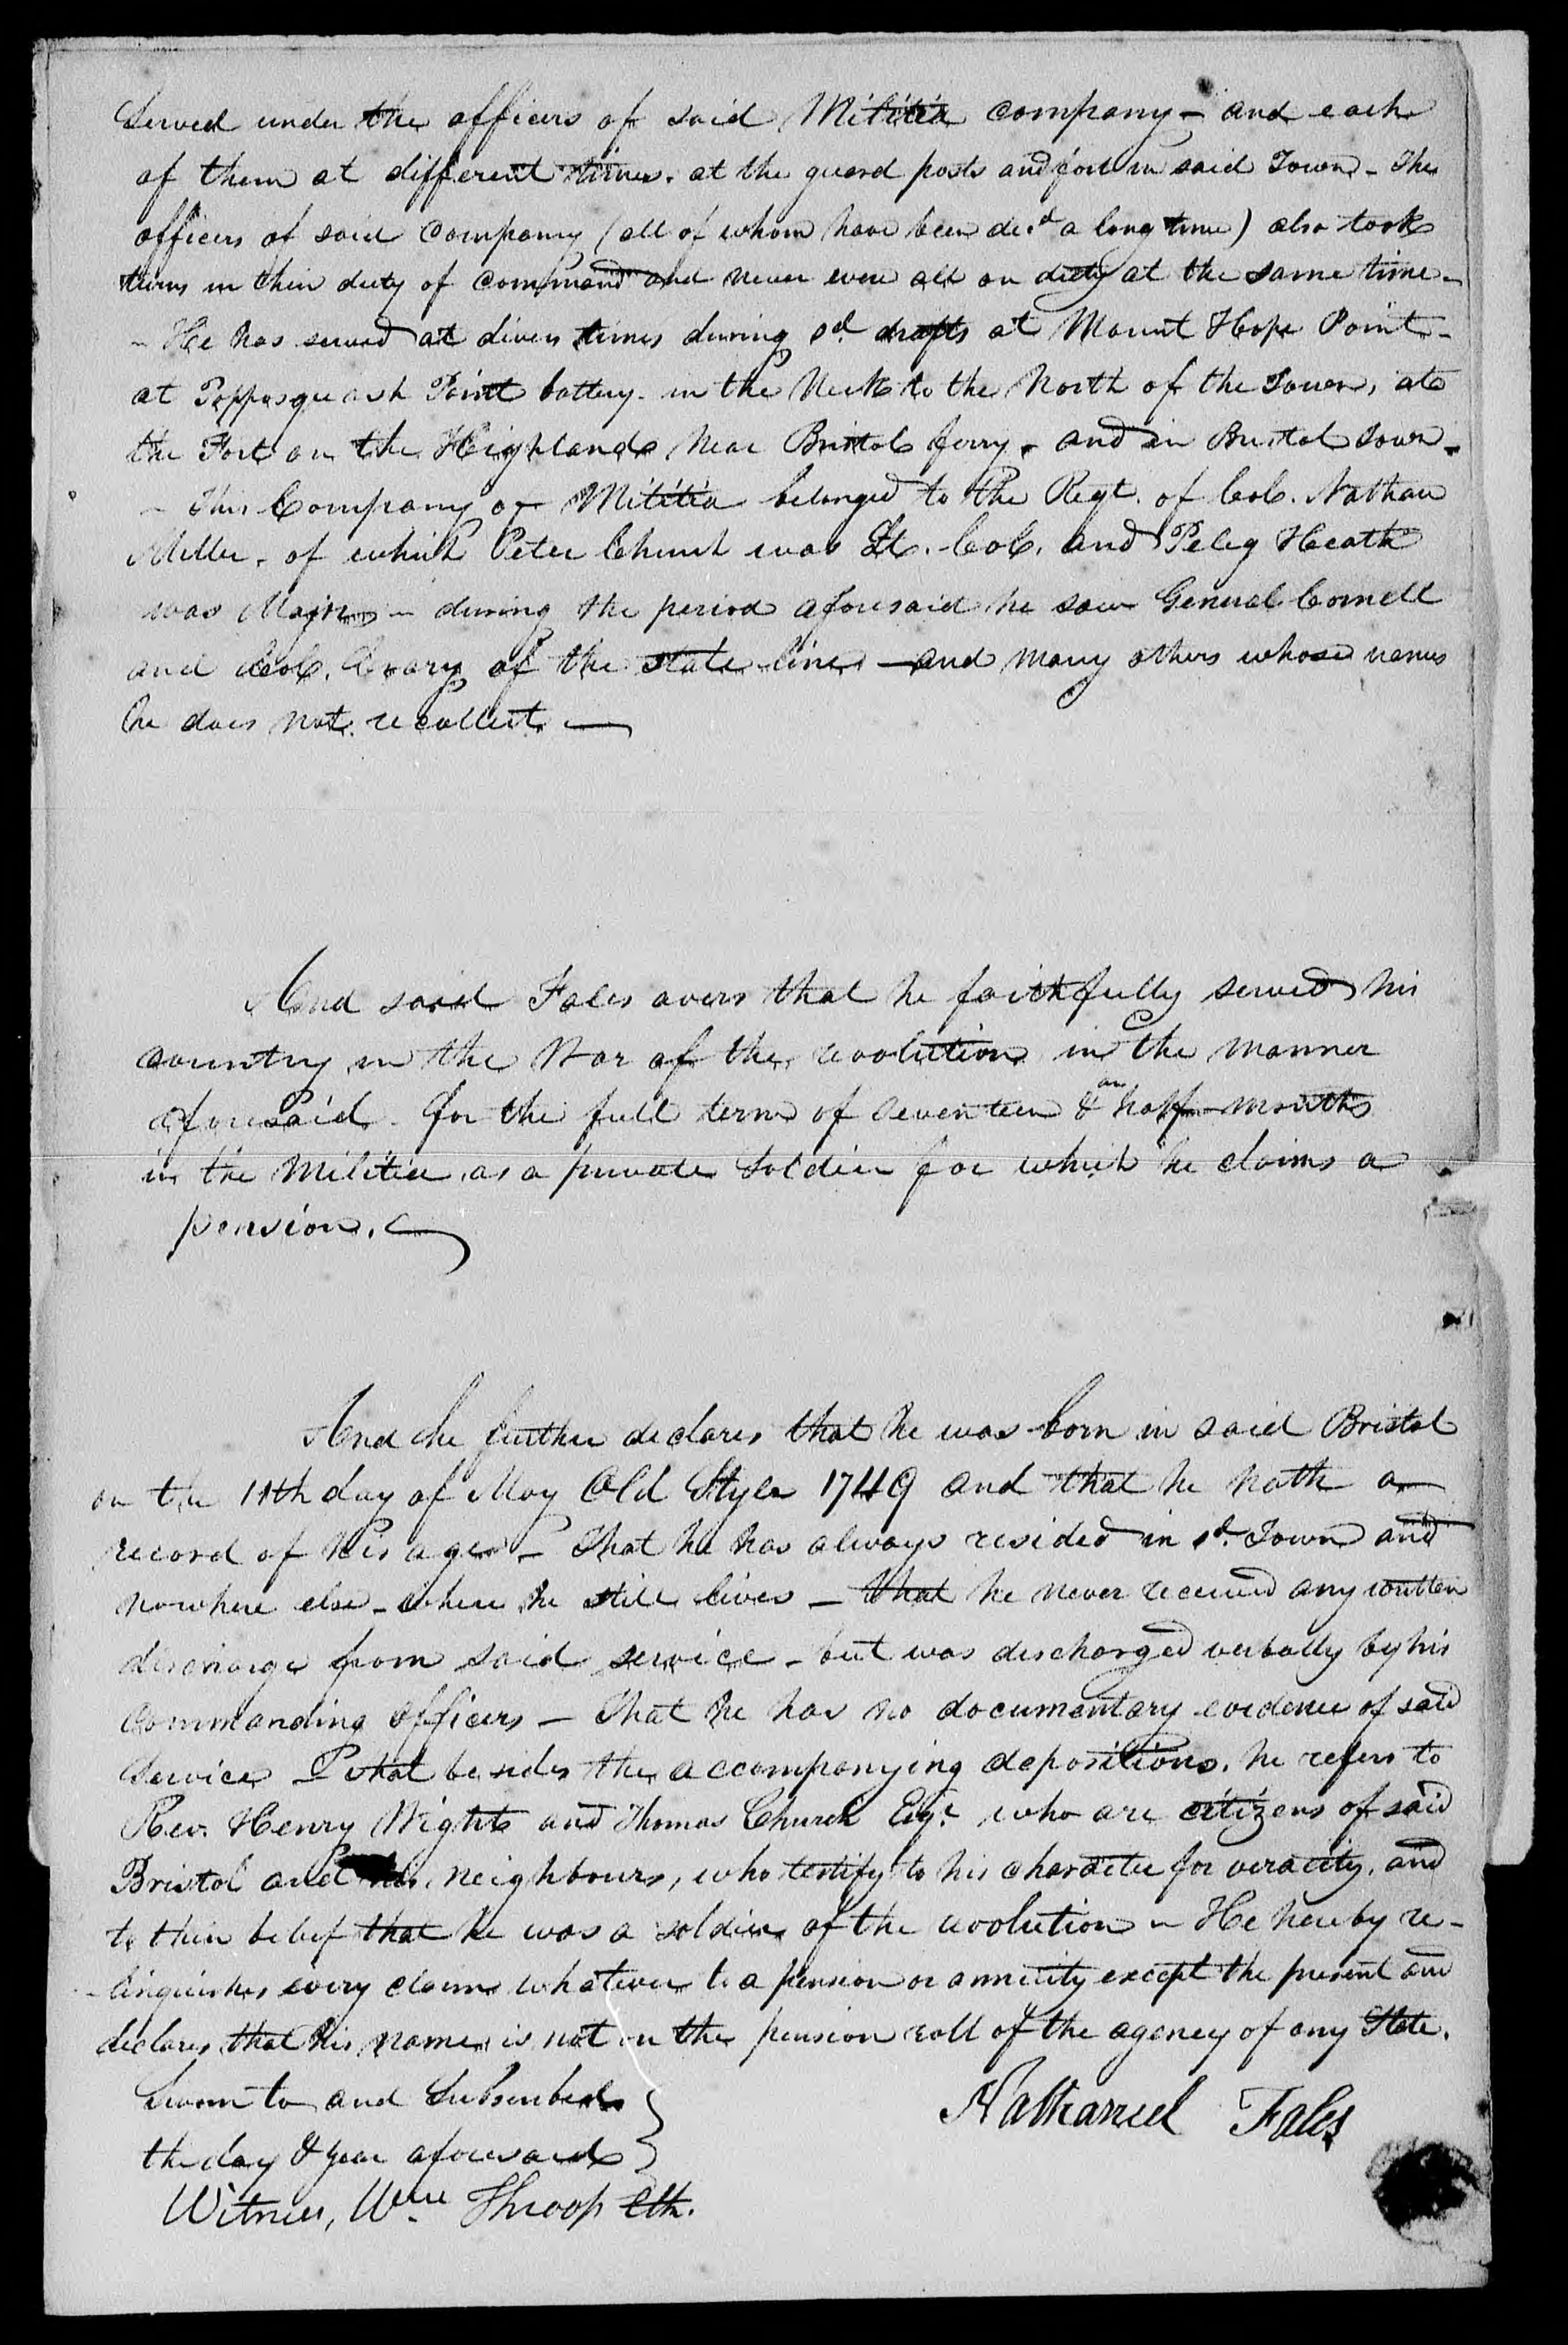Served under the officers of said Militia company - and each of them at different times, at the guard posts and fort in said town. The officers of said company (all of whom have been dead a long time) also took times in their duty of command and were even all on duty at the same time. He has served at divers [sic] times during sd. drafts at Mount Slope Point. at Toppasquash Point battery - in the Neck to the North of the Town, at the Fort on the Highlands near Bristol ferry, and in Bristol Town. - This Company of Militia belonged to the Regt. of Col. Nathan Miller, of which Peter Church was Lt. Col. and Peleg Heath was Major - during the period aforesaid he saw General Cornell and Col. Crary of the state line - and many others whose names he does not recollect - 

And said Fales [illegible] that he faithfully served his country in the War of the revolution in the manner aforesaid, for the full term of seventeen & a half months in the Militia as a private soldier for which he claims a pension. [wavy line]

And he further declares that he was born in said Bristol on the 11th day of May Old Style 1749 and that he hath a record of his ages - that he has always resided in sd. town and nowhere else - where he still lives - that he never received any written discharge from said service - but was discharged verbally by his commanding officer - That he has no documentary evidence of said service - that besides the accompanying depositions, he refers to Rev. Henry Wight and Thomas Church Esq. who are citizens of said Bristol and his neighbours, who testify to his character for veracity, and their belief that he was a soldier of the revolution. He hereby relinquishes every claim whatever to a pension or annuity except the present and declares that his name is not on the pension roll of the agency of any State.
Sworn to and Subscribed}
the day & year aforesaid}
Witness, Wm. Throop Clk.
Nathaniel Fales [signature]

[mark]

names: Fales, Cornell, Peter Church, Thomas Church, Henry Wight, Peleg Heath, Nathaniel Fales, Wm Throop, Crary, Nathan Miller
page: 4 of 32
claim: widow's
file: W. 24,173, Nathaniel Fales, R.I.